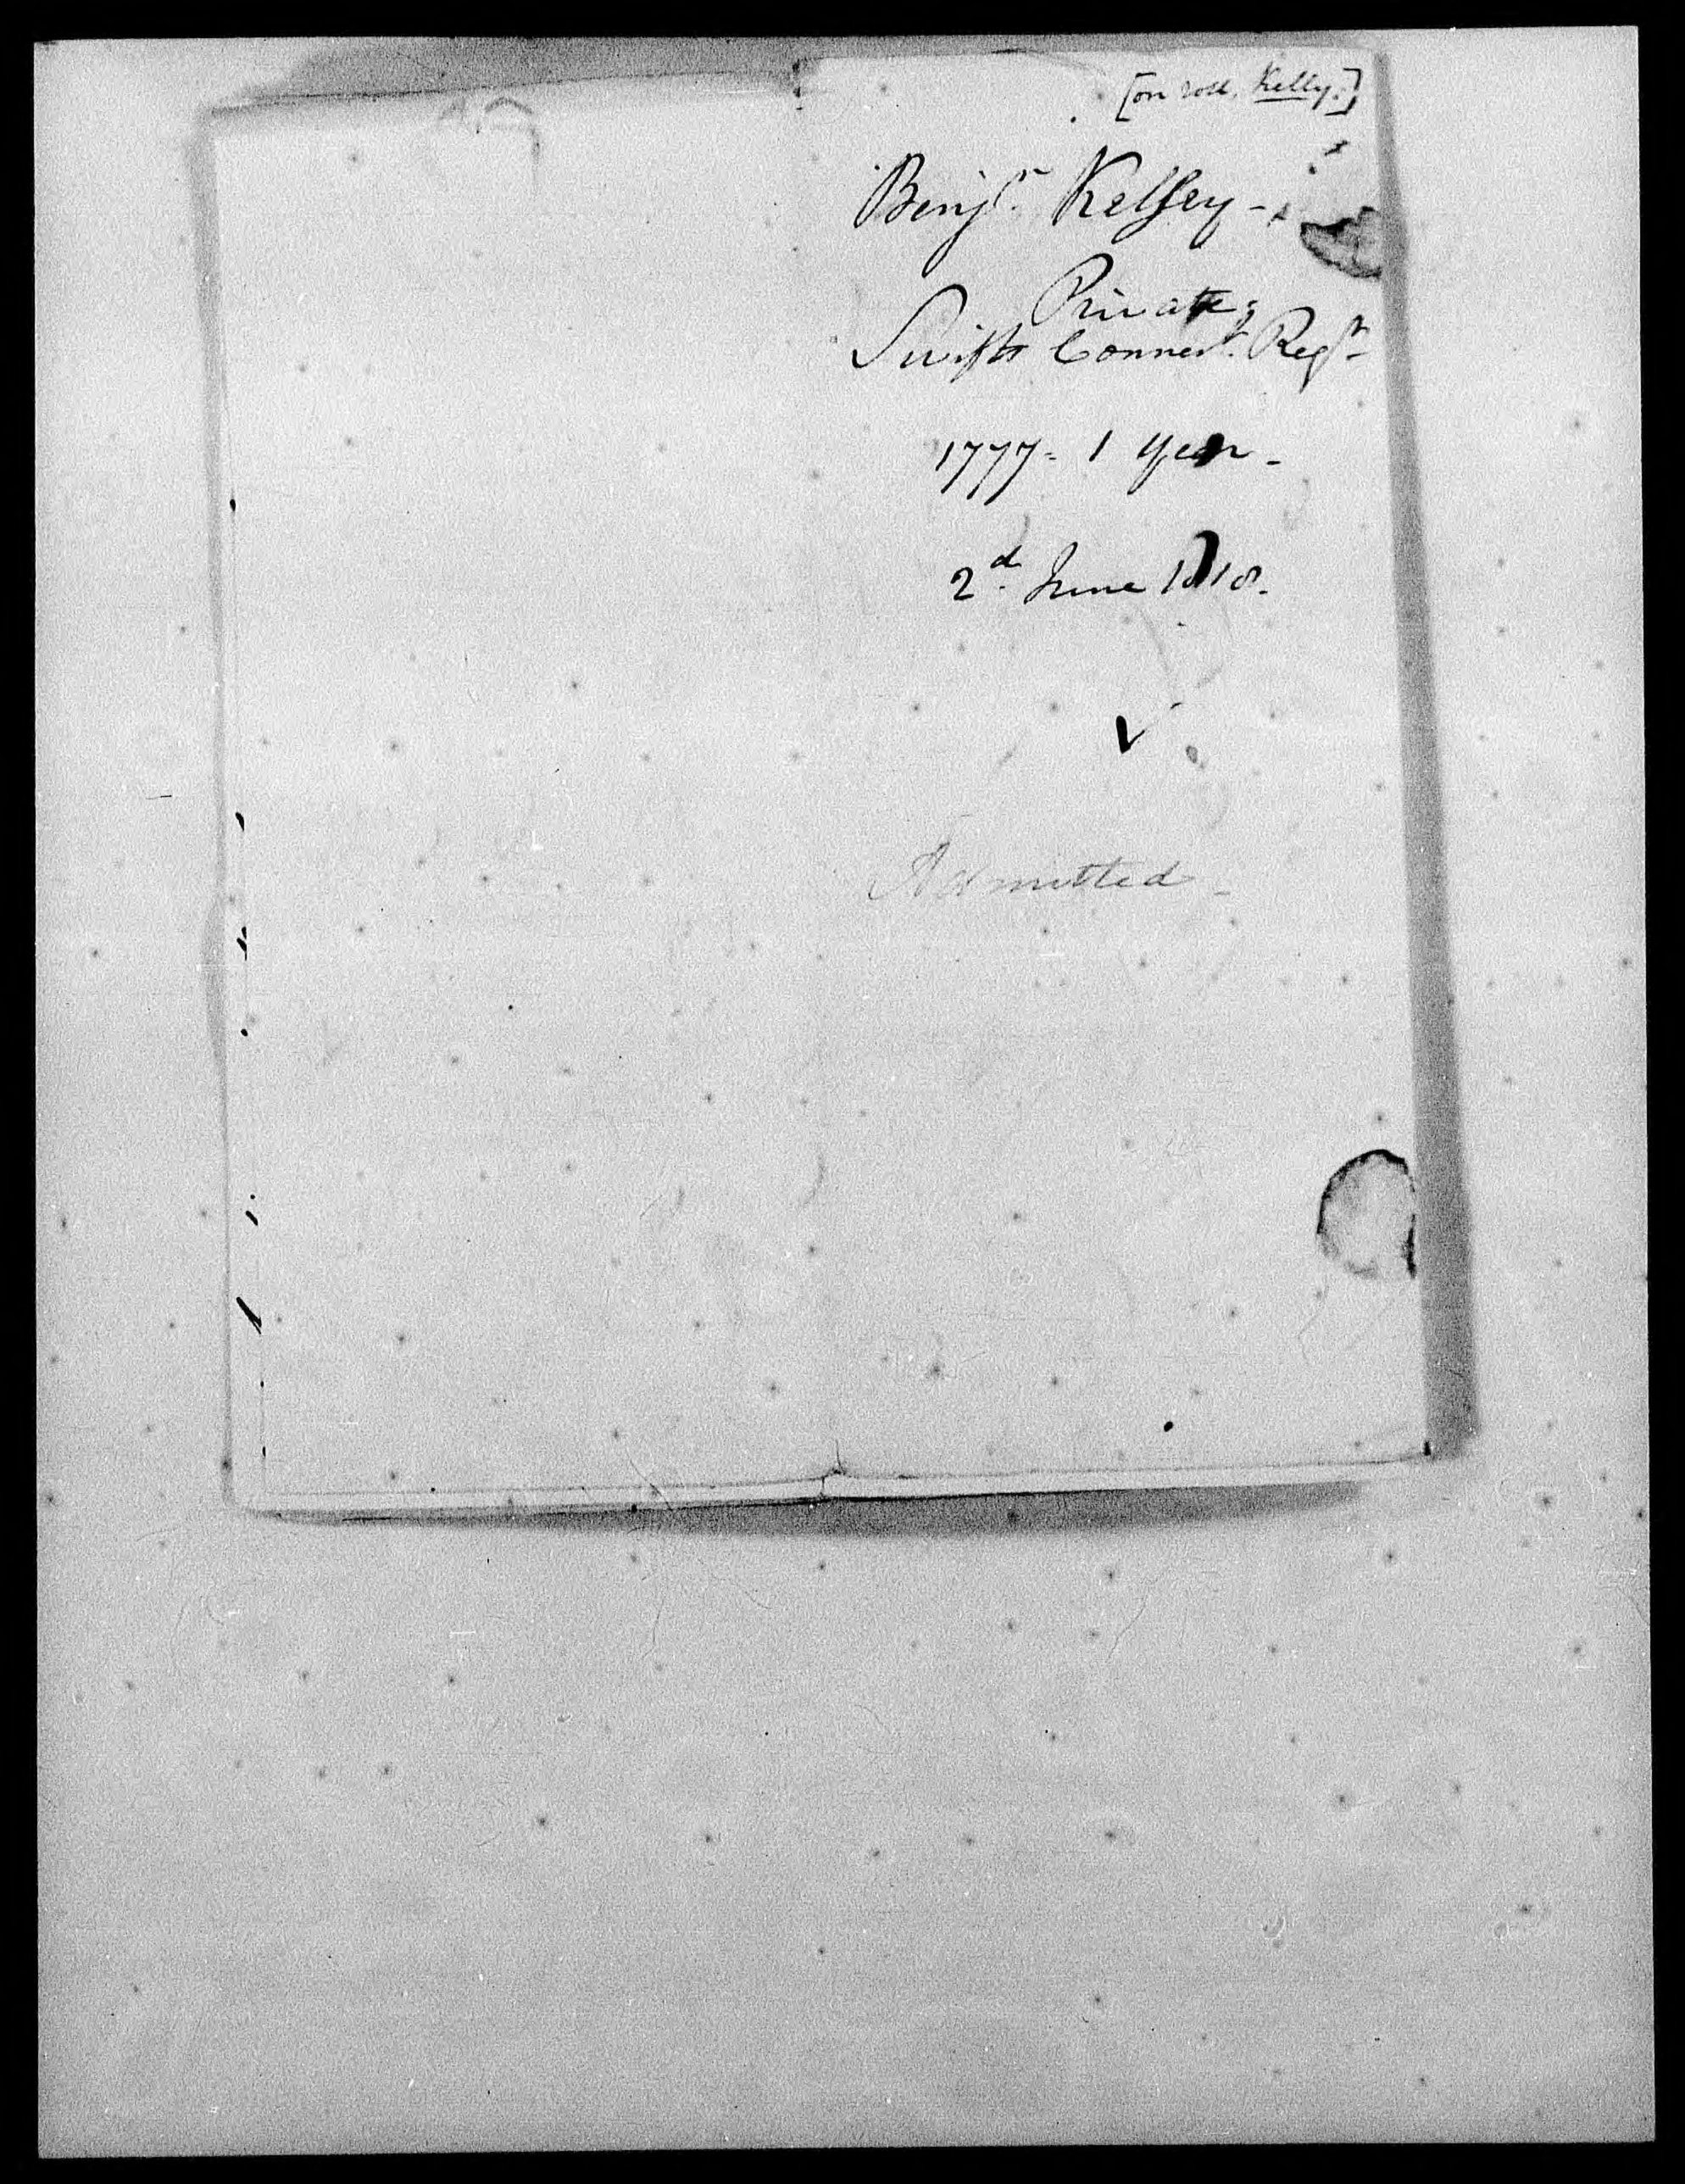[on Kelly]
Benjamin Kelsey
Private
Swifts Connt Regt
1777 1 year
2d June 1818
Admitted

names: Benjn Kelsey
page: 8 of 21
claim: survivor's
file: S. 36676, for Benjamin Kelsey, Connecticut